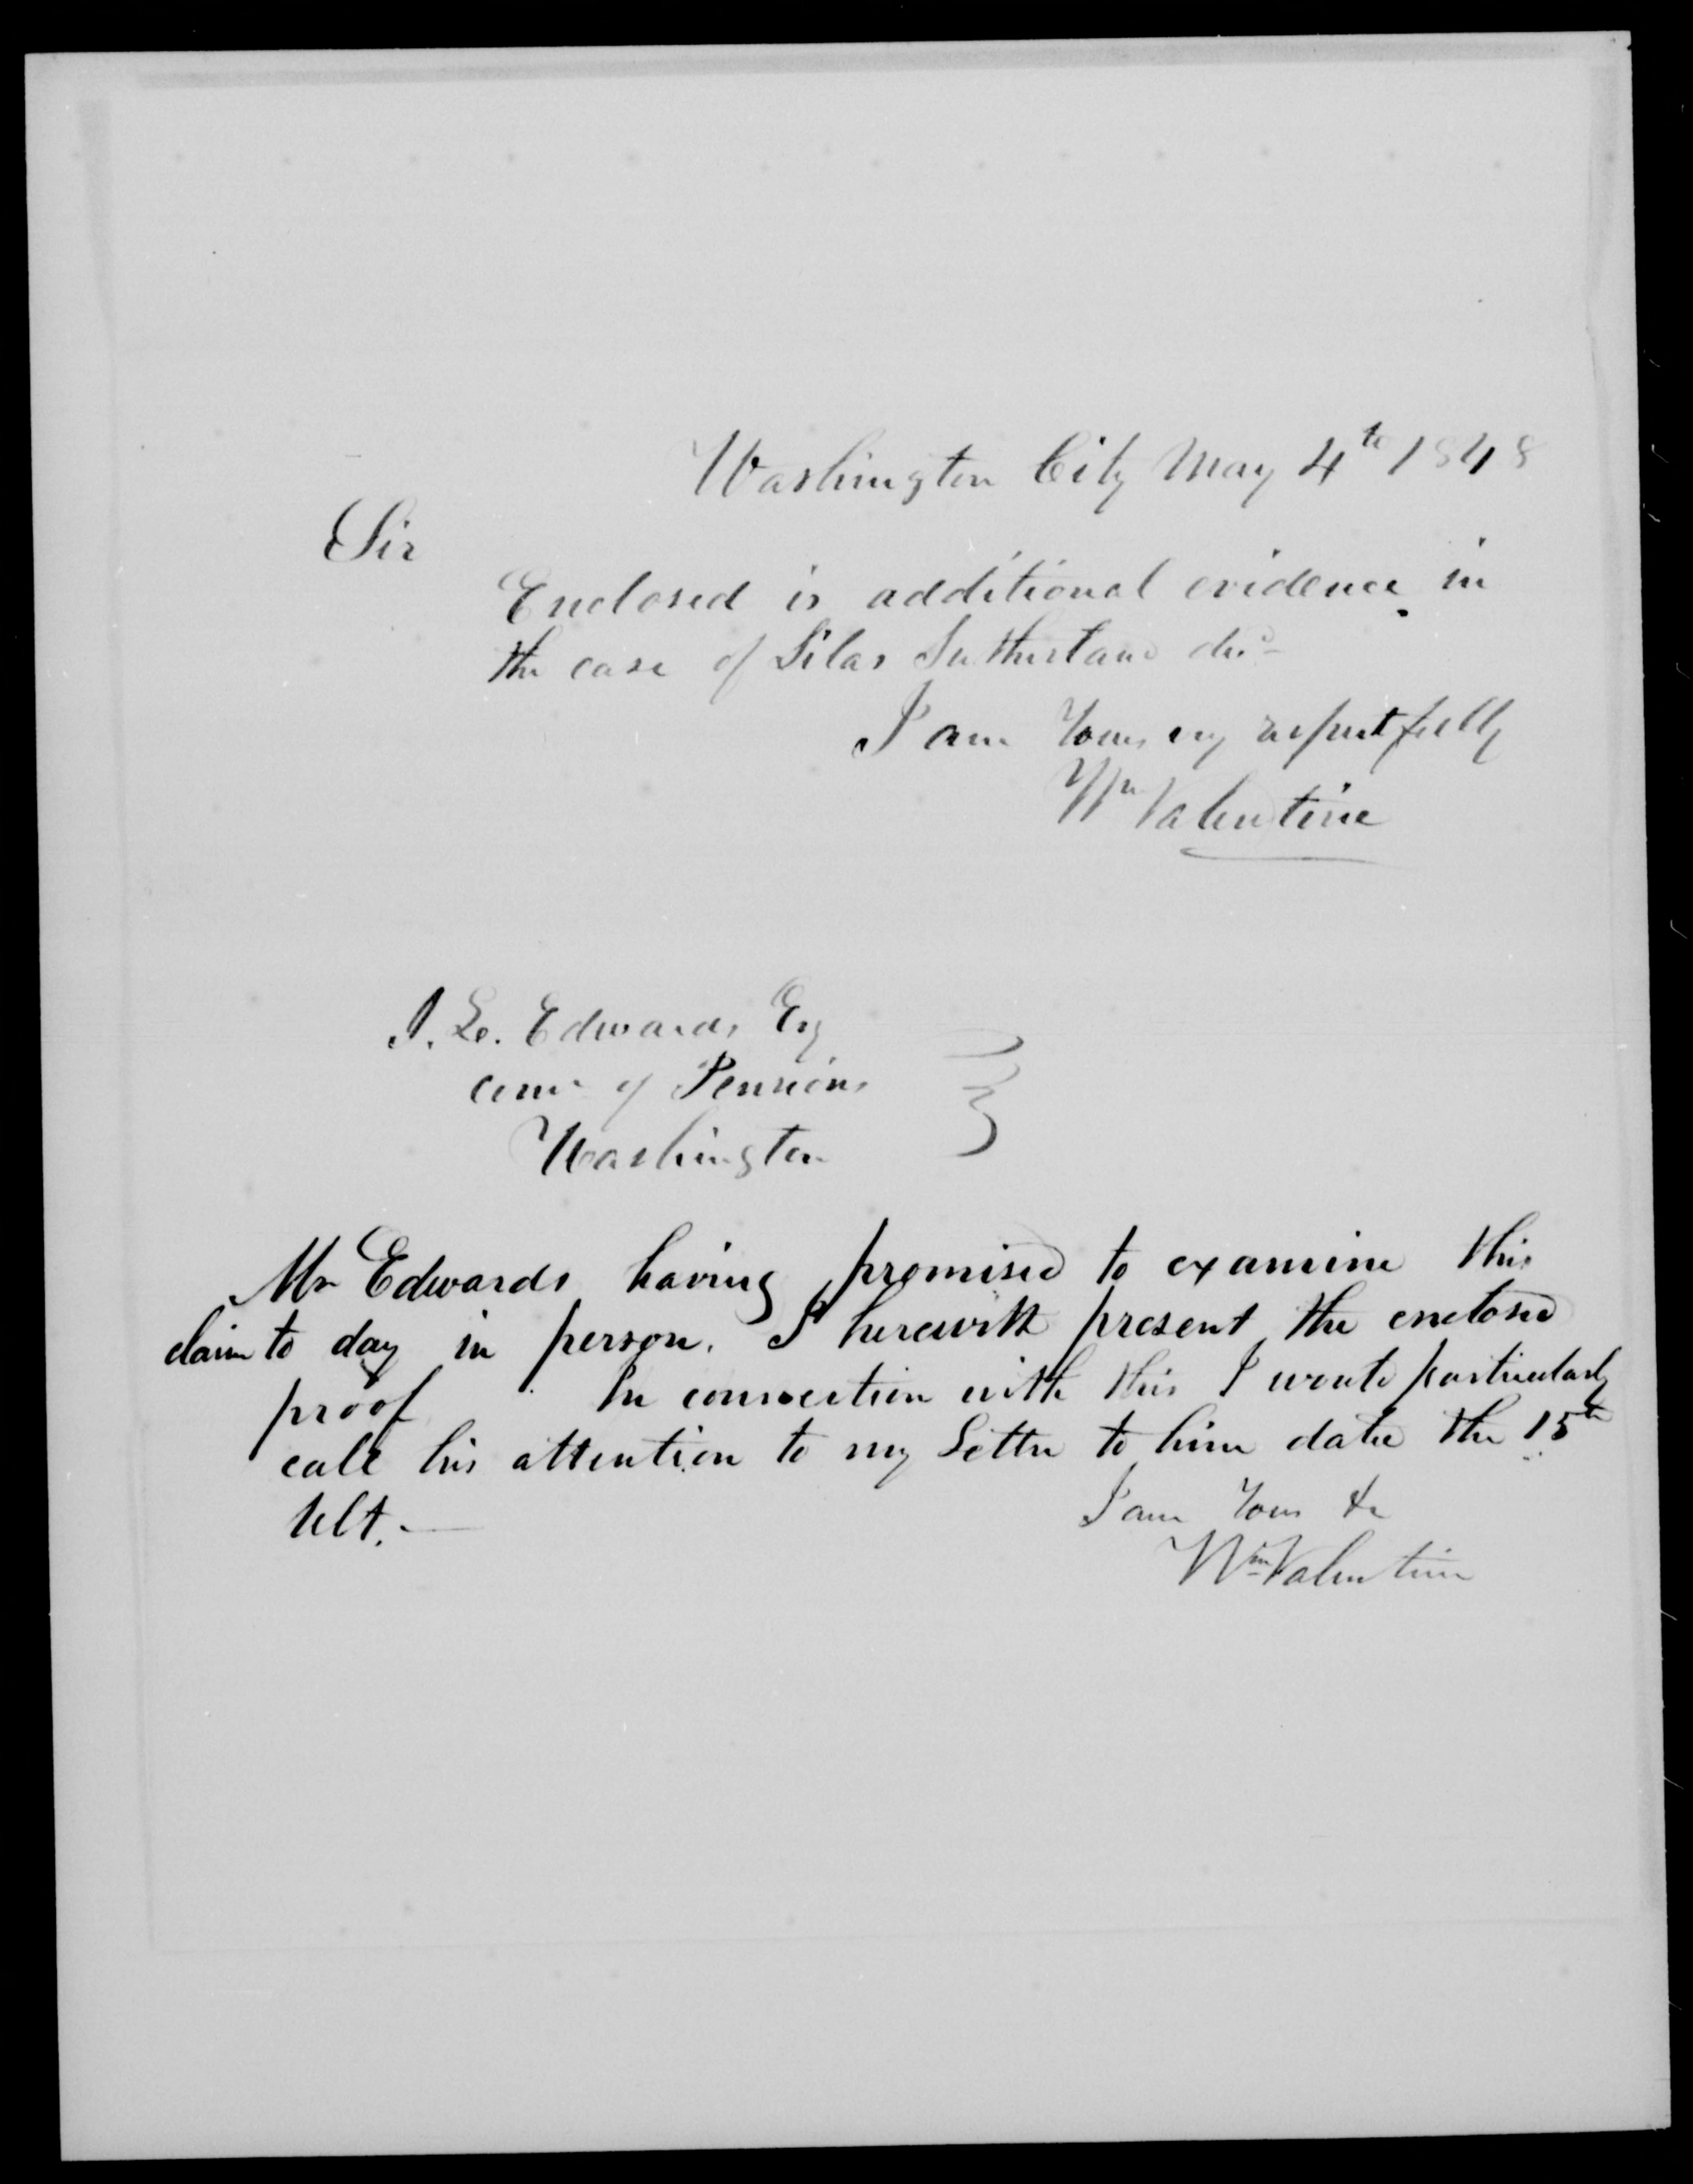Washington City May 4th 1848
Sir
  Enclosed is additional evidence in the case of Silas Sutherland decd
  I am Yours very respectfully
  Wm Valentine

J.L. Edwards, Esq
Commr of Pensions
Washington

Mr Edwards, having promised to examine this claim to day in person. I herewith present the enclosed proof  In connection with this I want particularly call his attention to my letter to him dated the 15th ult.
  I am Yours &c
  Wm Valentine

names: Wm Valentine; [BLANK] Edwards; Silas Sutherland; J L Edwards; Wm Valentine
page: 55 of 77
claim: survivor's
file: S. 23003, for Silas Southerland, New York